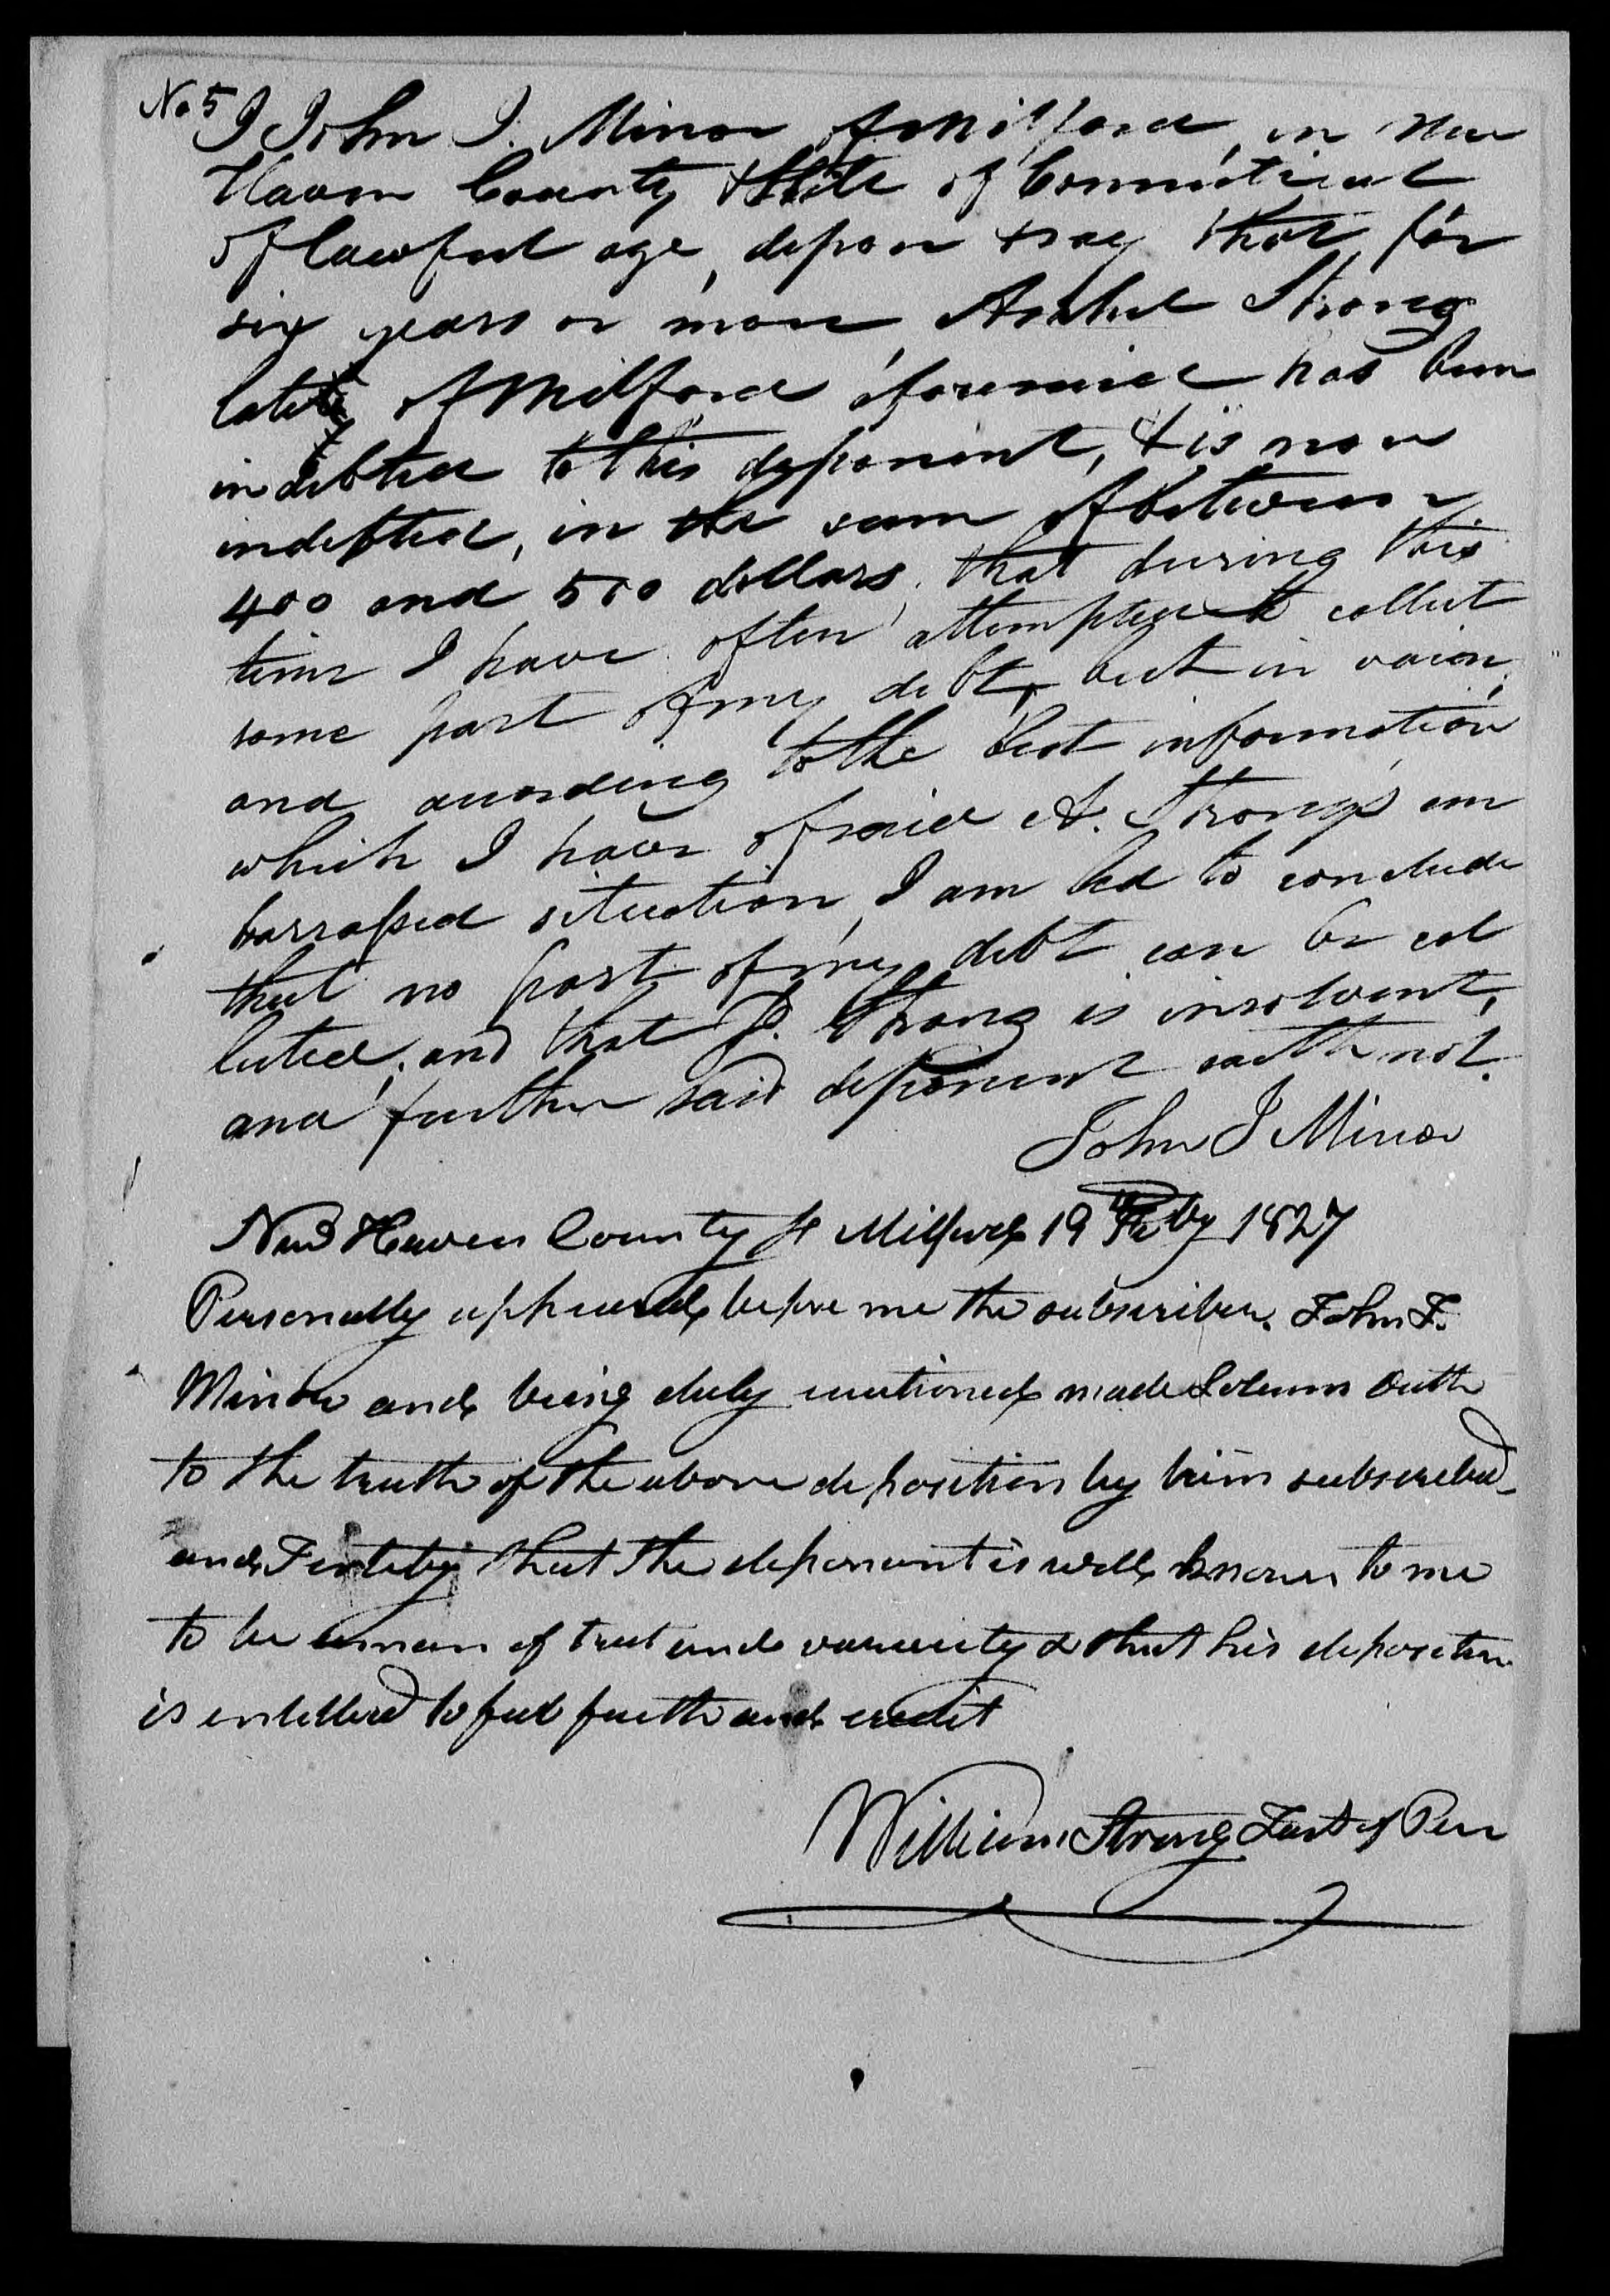No. 5
I John I. Minor of Milford in New Haven County & State of Connecticut, of lawful age, depose & say that for six years or more Asabel Strong,
late of Milford aforesaid has been
indebted to this deponent, & is now
indebted, in the sum of between 400 and 500
dollars, that during this time I have often attempted to collect some part of my debt, but in vain; and according to the best information
which I have of said A. Strong's embarrassed situation, I am led to conclude that no part of my debt can be collected, and that said Strong
is insolvent, and further said deponent saith not.
John I Minor

New Haven County} ss: Milford 19 Feby 1827
Personally appeared before me the subscriber John I. Minor and being duly cautioned made Solemn Oath to the truth of the above deposition by him subscribed; and I certify that the deponent is well known to me
to be a man of truth and veracity & that his deposition is entitled to full faith and credit.
William Strong, Justice of Peace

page: 25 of 42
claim: survivor's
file: S. 36,819, for Samuel Stow, Connecticut